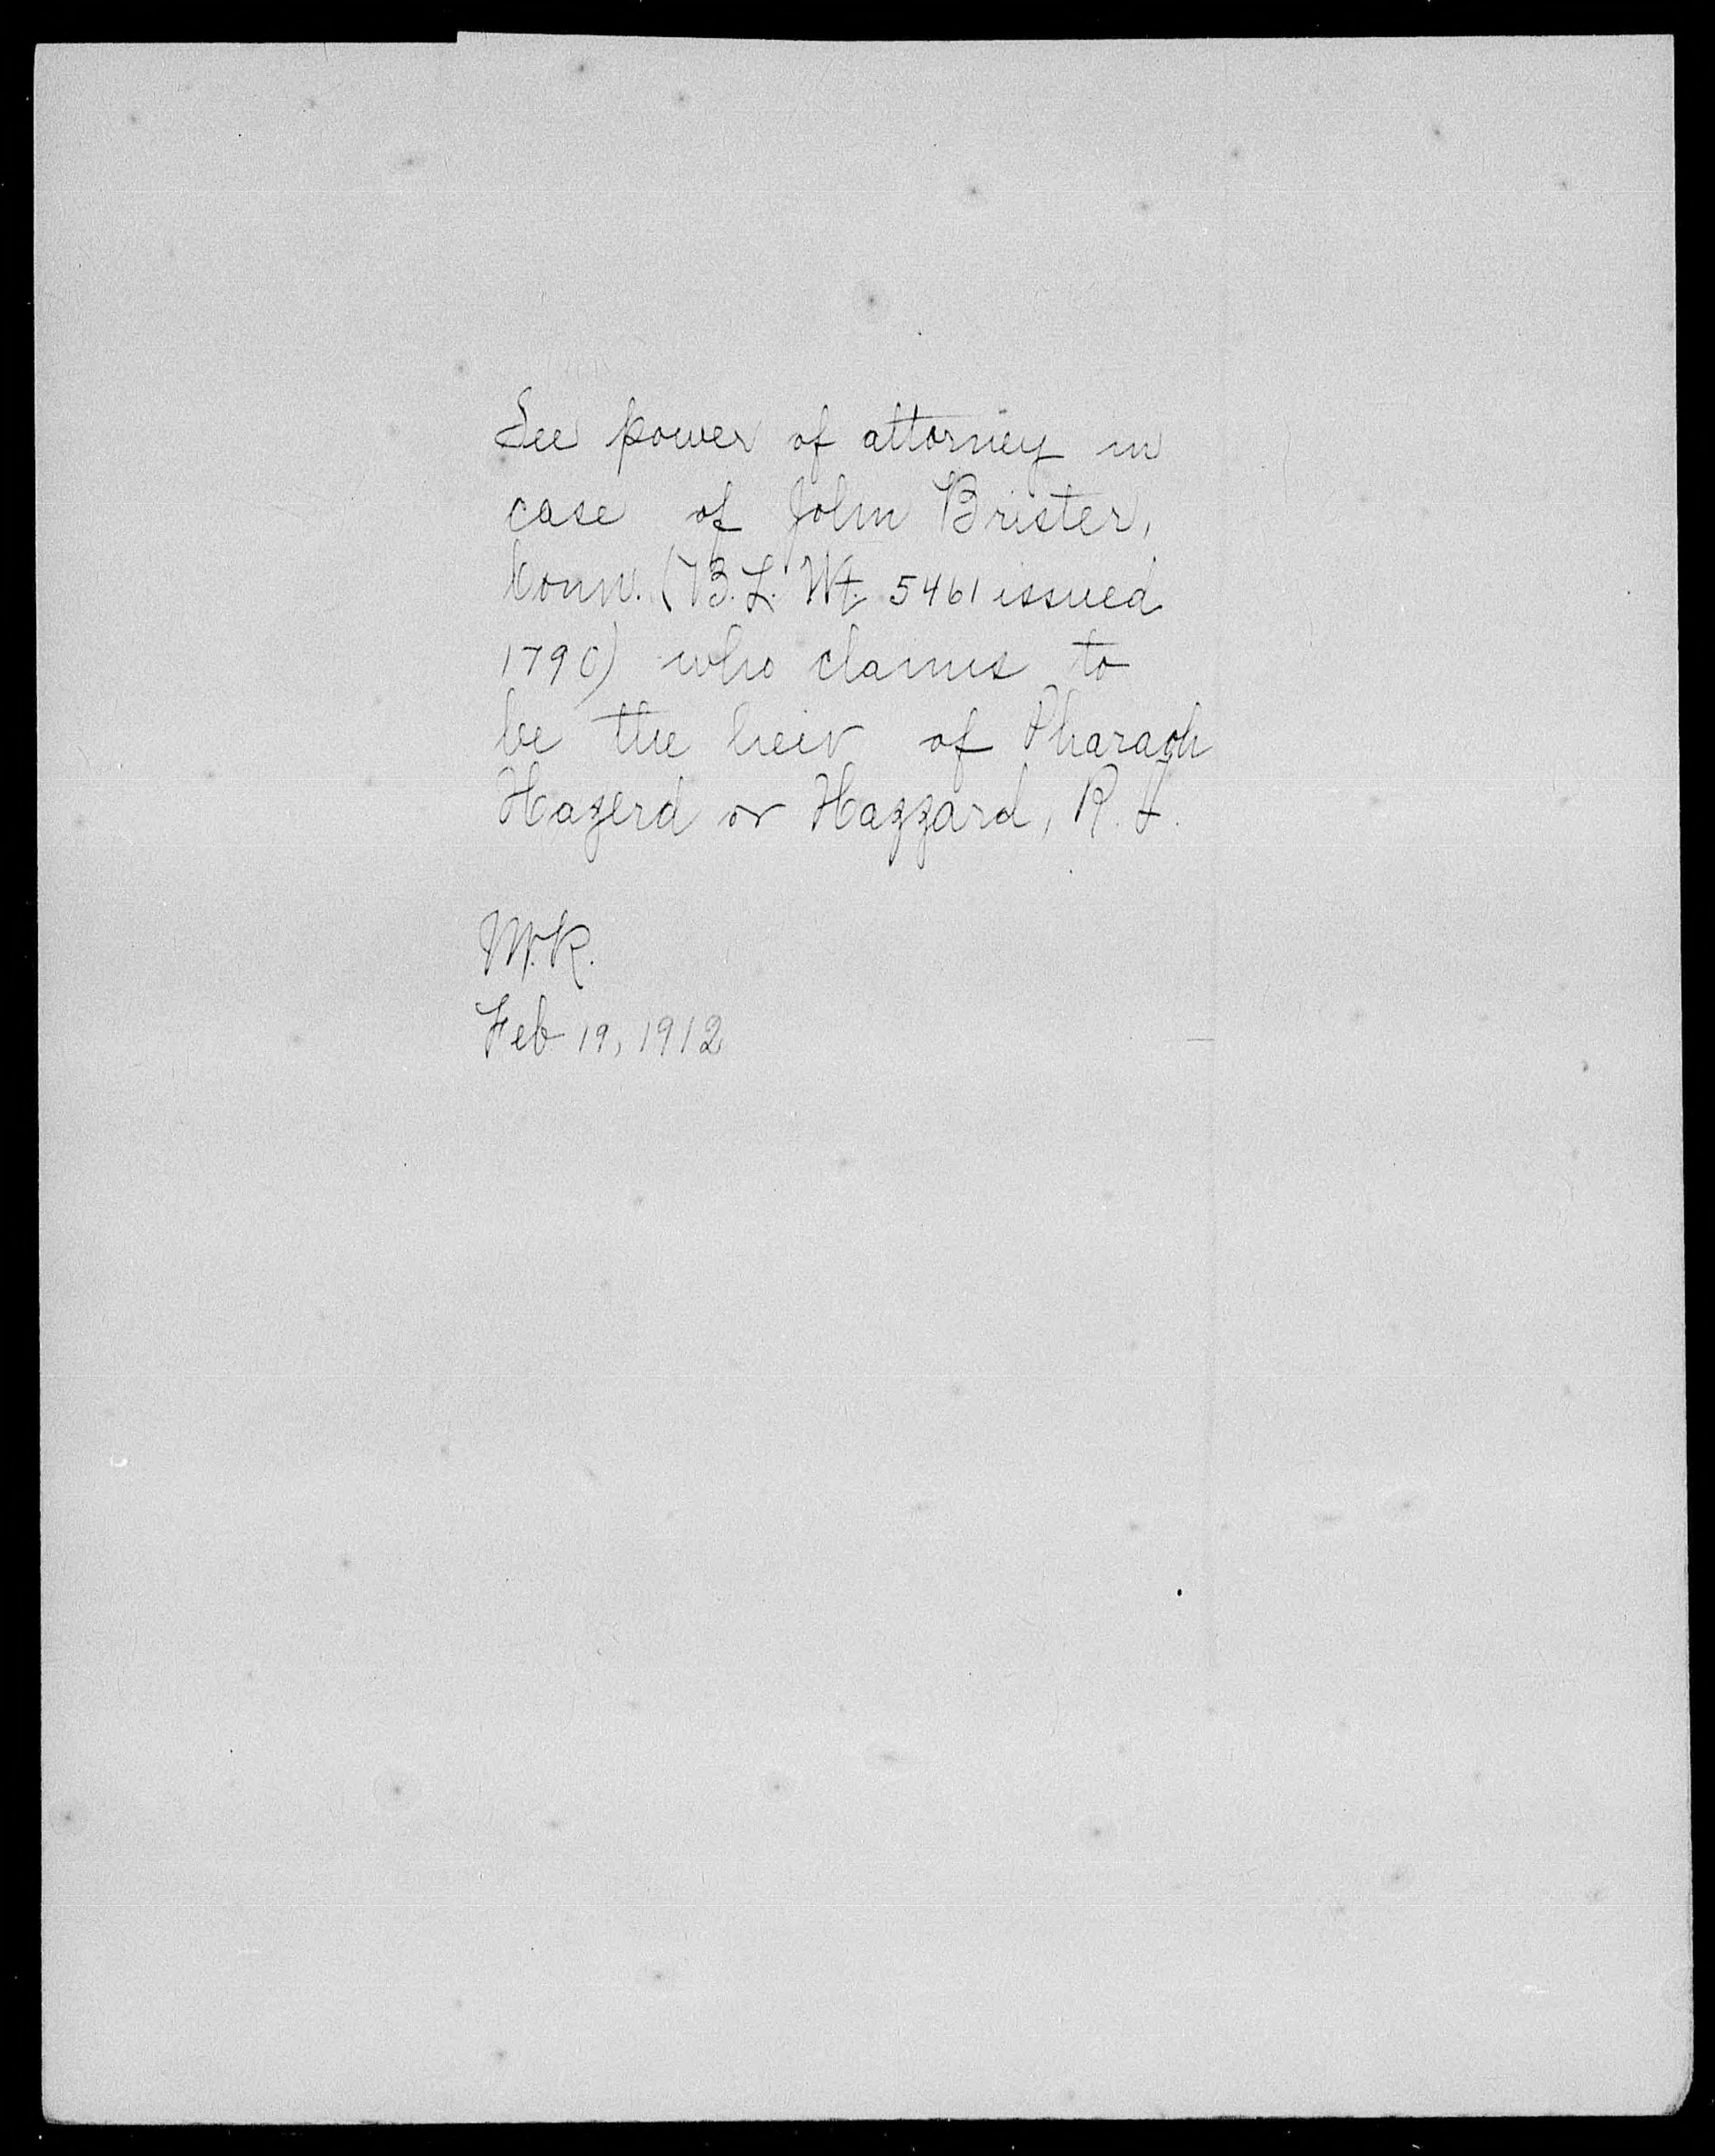See power of attorney in case of John Brister, Conn. (B. L. Wt. 5461 issued 1790) who claims to be the heir of Pharaoh Hazerd or Hazzard, R.I. 

M.K. 
Feb 19, 1912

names: Pharaoh Hazzard, Pharaoh Hazerd, John Brister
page: 3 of 7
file: Rej. B. L., Pharaoh Hazerd, R.I.